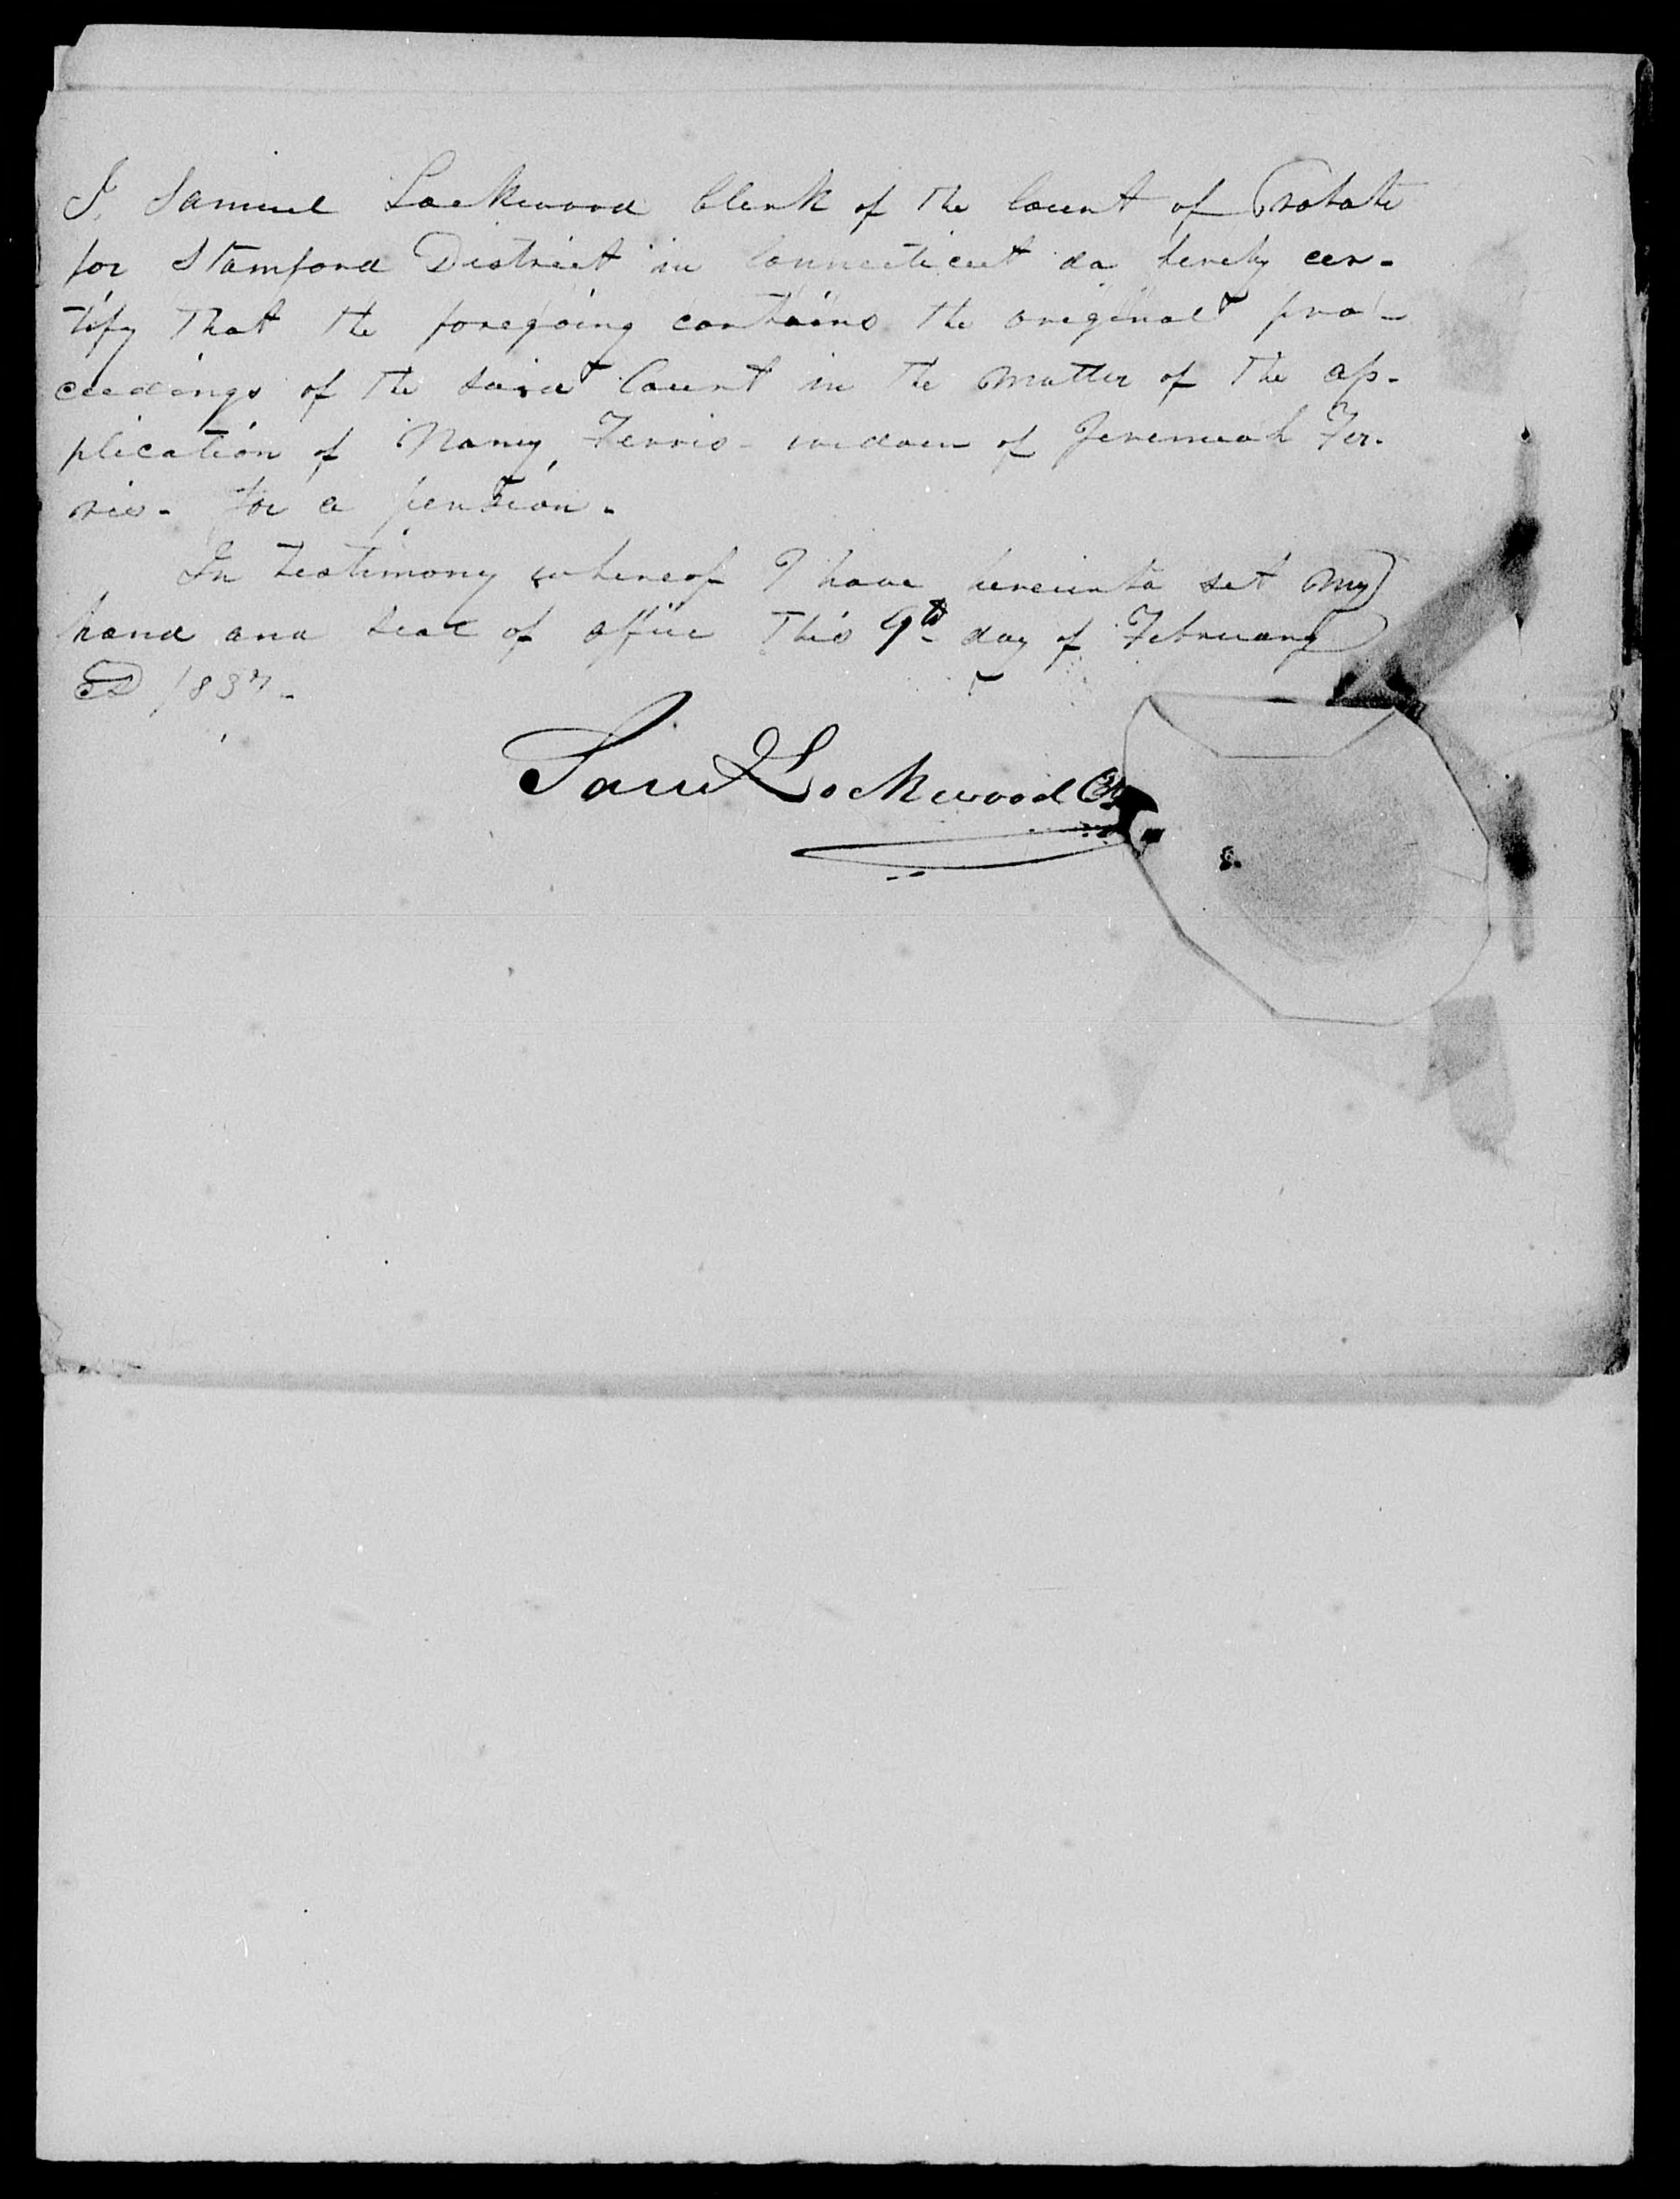I, Samuel Lockwood, Clerk of the Court of Probate for Stamford District in Connecticut do hereby certify that the foregoing contains the original proceedings of the said Court in the matter of the application of Nancy Ferris, widow of Jeremiah Ferris, for a pension.
     In testimony whereof I have hereunto set my hand and seal of office this 9th day of February AD 1837.
          [signed] Samuel Lockwood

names: Samuel Lockwood, Nancy Ferris, Jeremiah Ferris, Saml Lockwood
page: 13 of 14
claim: widow's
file: W. 17897, Jeremiah Ferris, Conn.